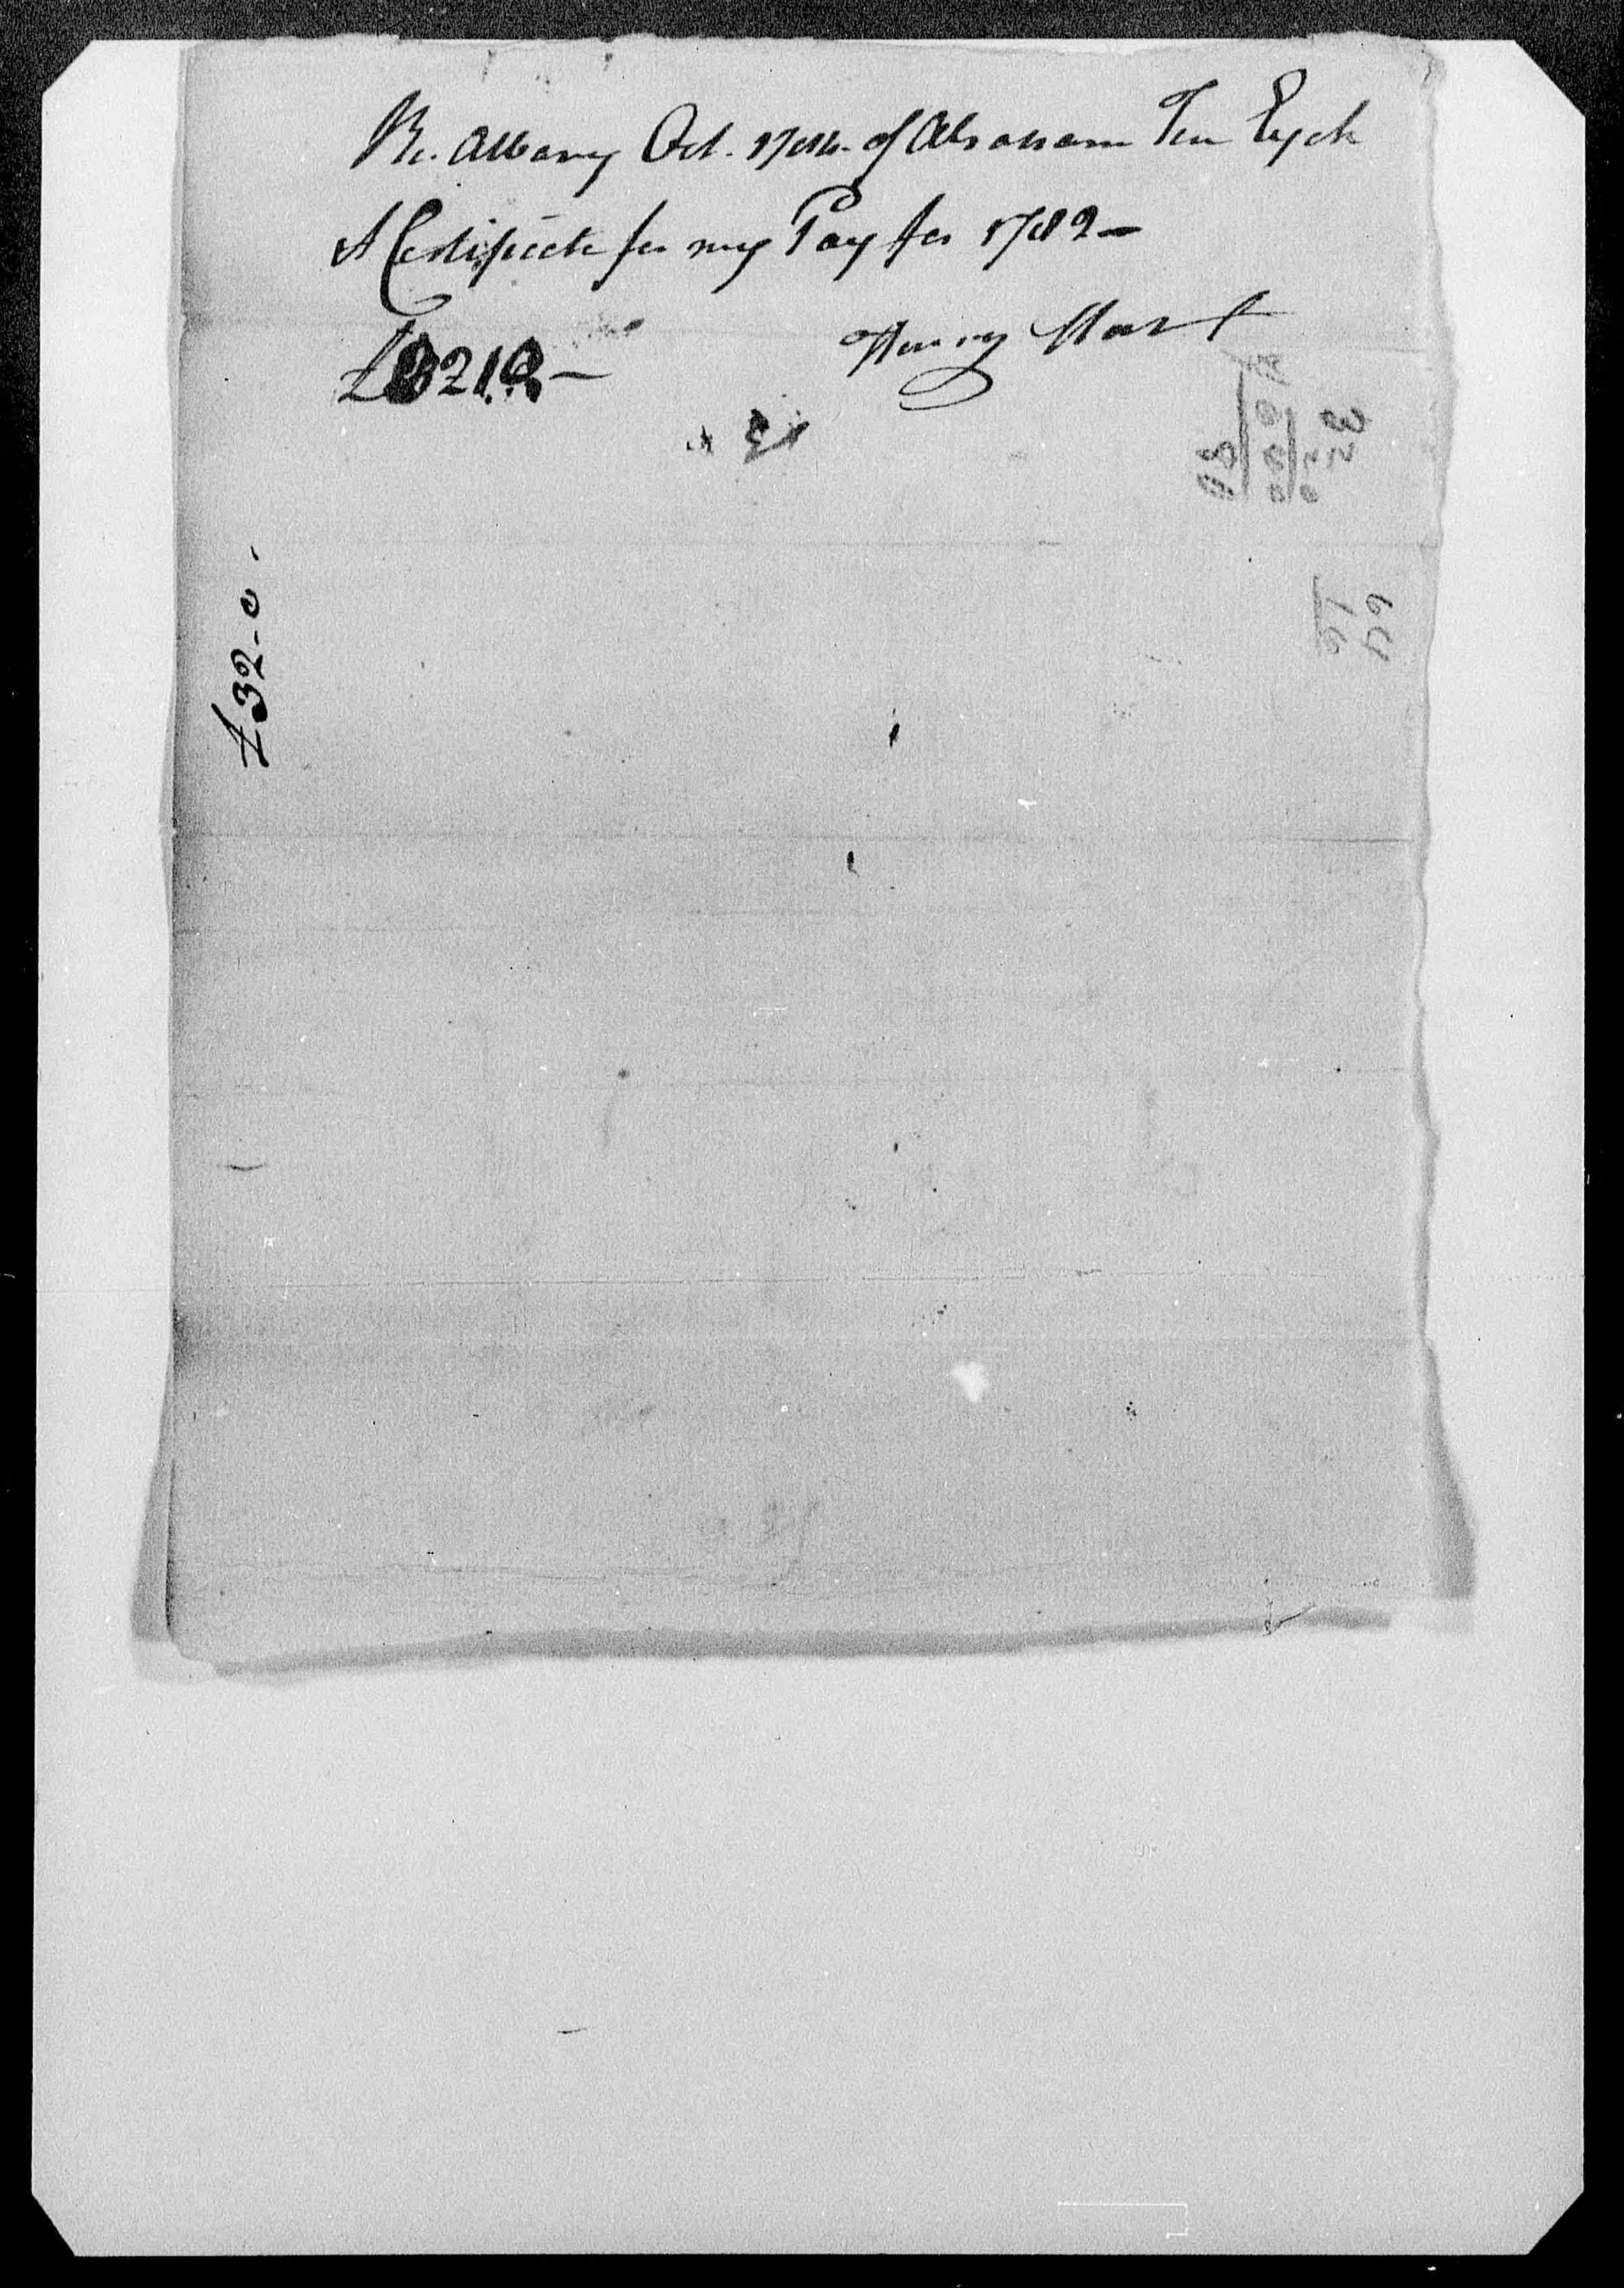Re [?] Albany Oct. 1784 [?] of Abraham Ten Eyck
A Certificate for my Pay for 1782
£321.0 [?]
[Signed] Henry Hart

Crosswise:
£32.0

32
- 20
7040
80

64
16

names: Henry Hart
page: 28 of 47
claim: widow's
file: W. 10,602, Barce Chard, New York.